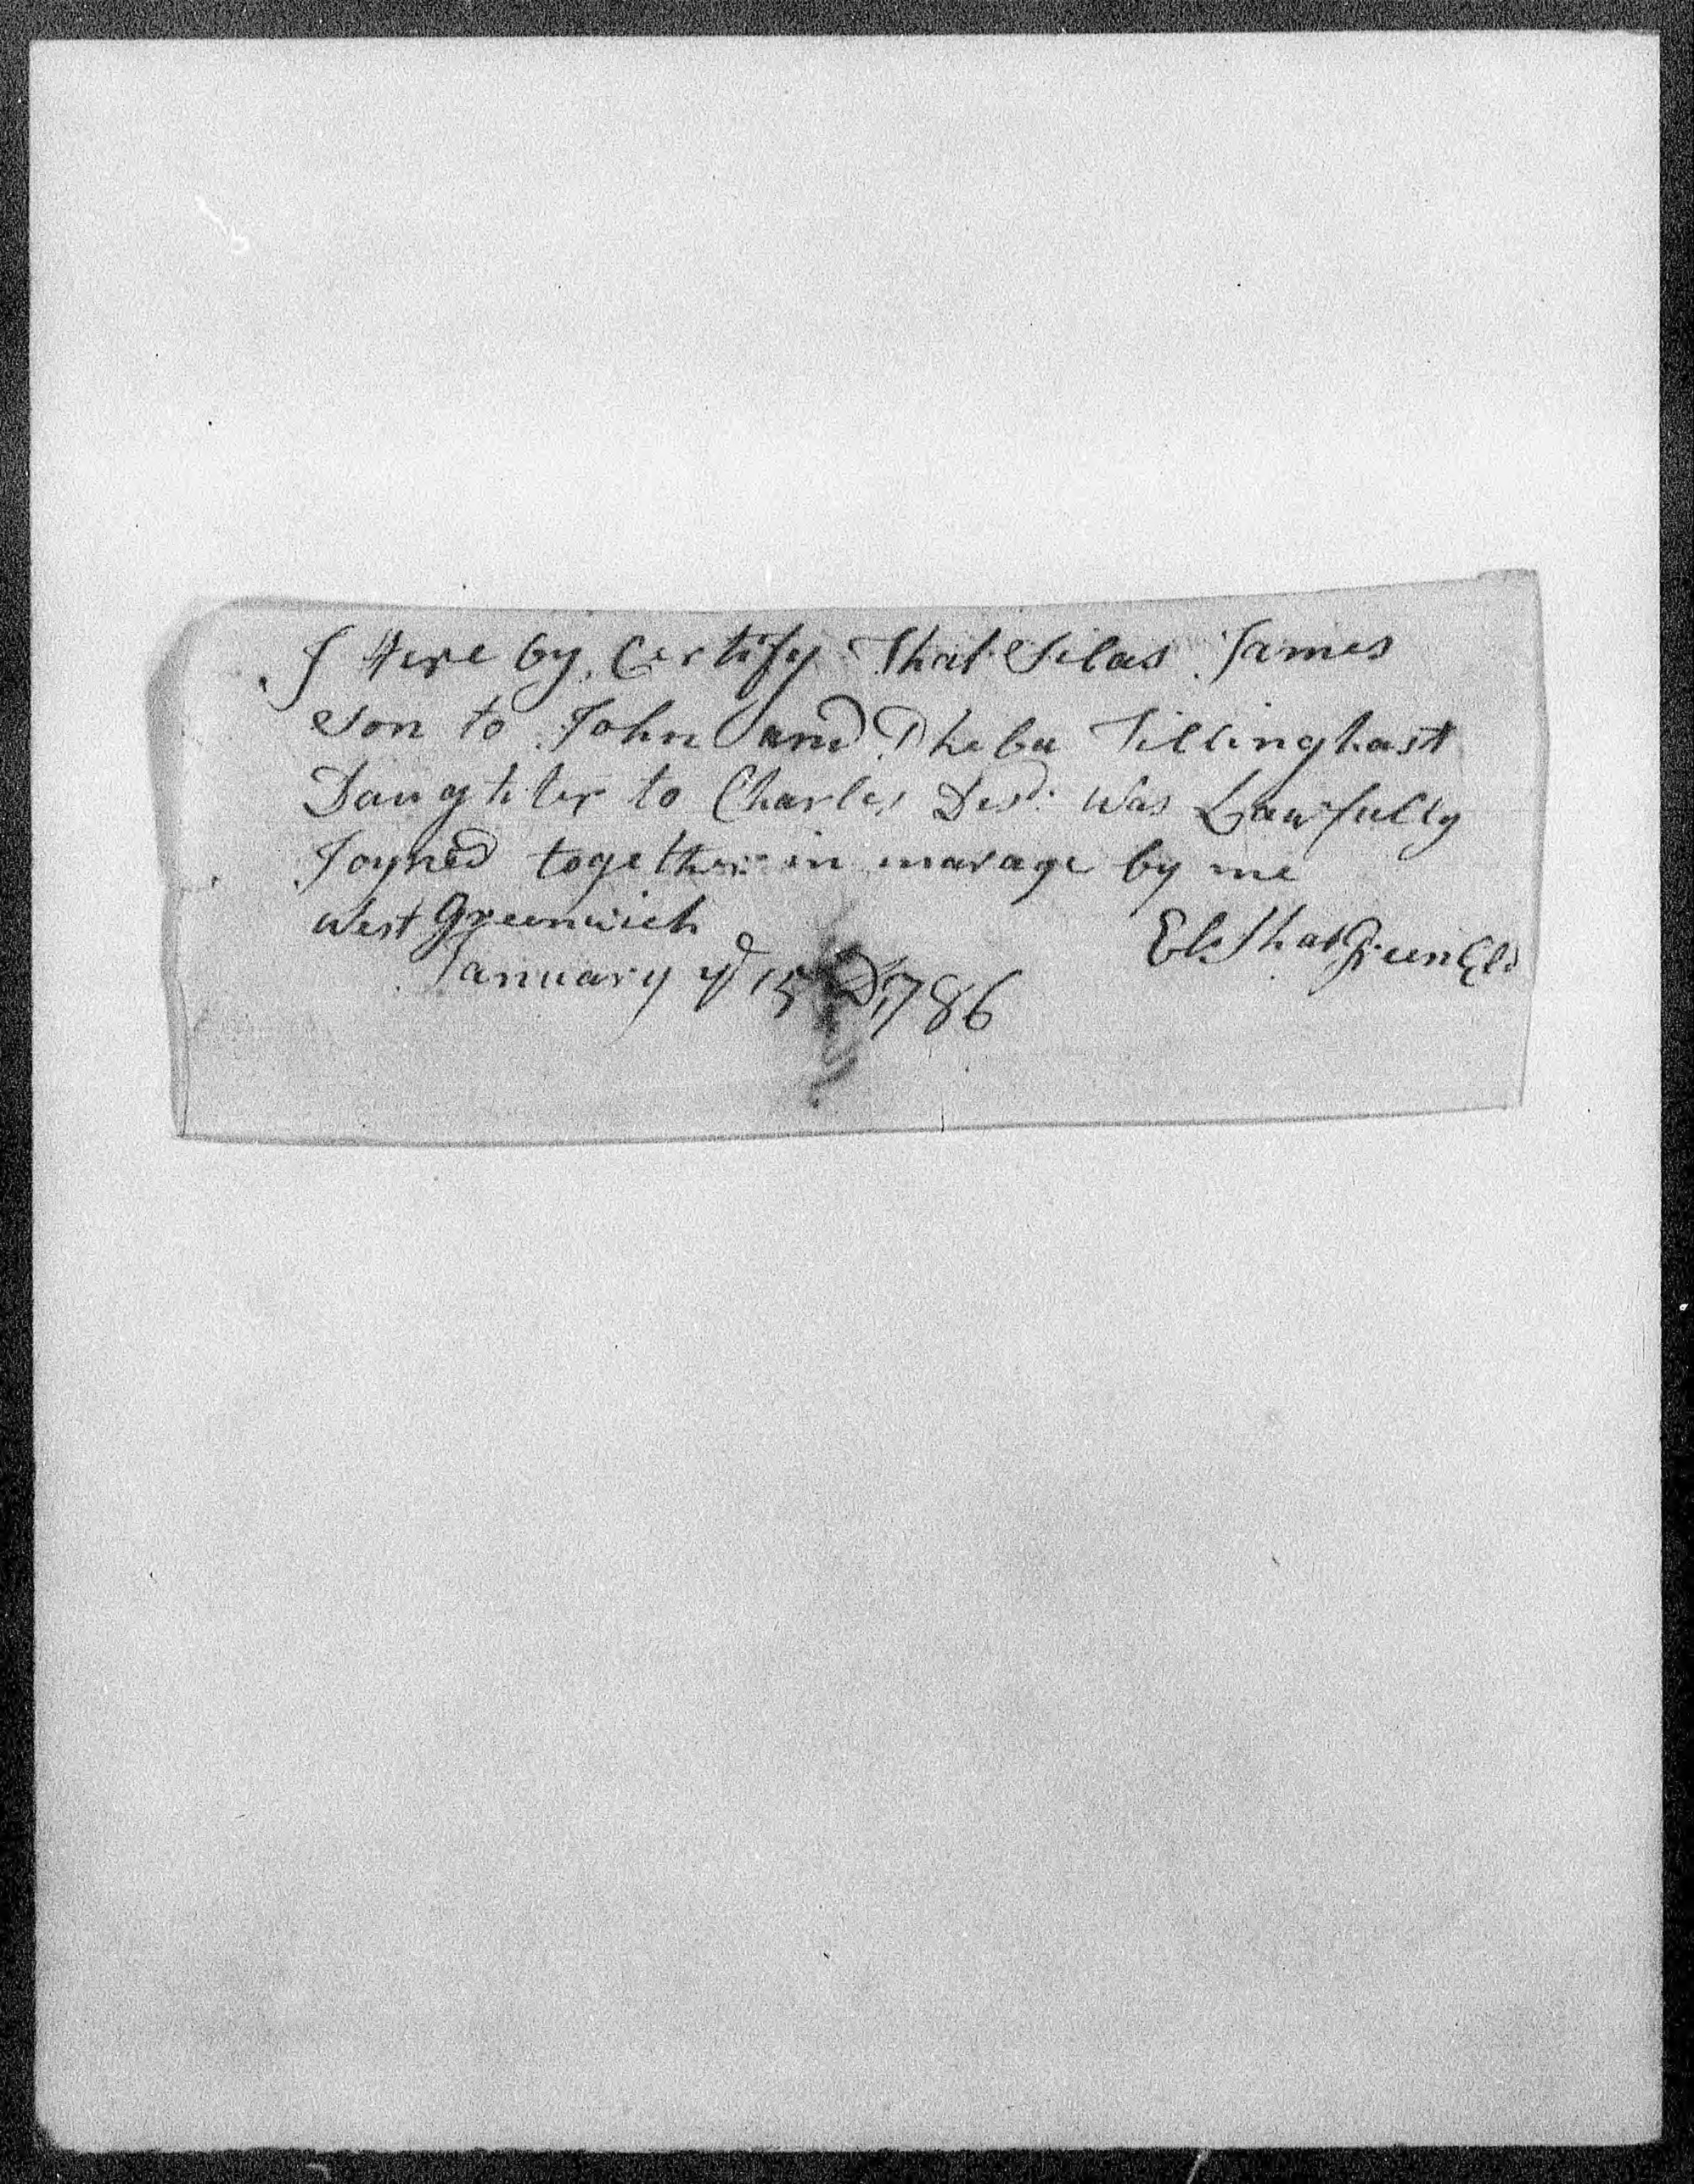I Here by Certify That Silas James Son to John and Phebe Tillinghast Daughter to Charles was Lawfully Joyned together in marage by me
West Greenwich

Elisha Green Eld

January 15 A.D. 1786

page: 5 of 41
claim: widow's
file: W. 24728, for Silas James, Rhode Island